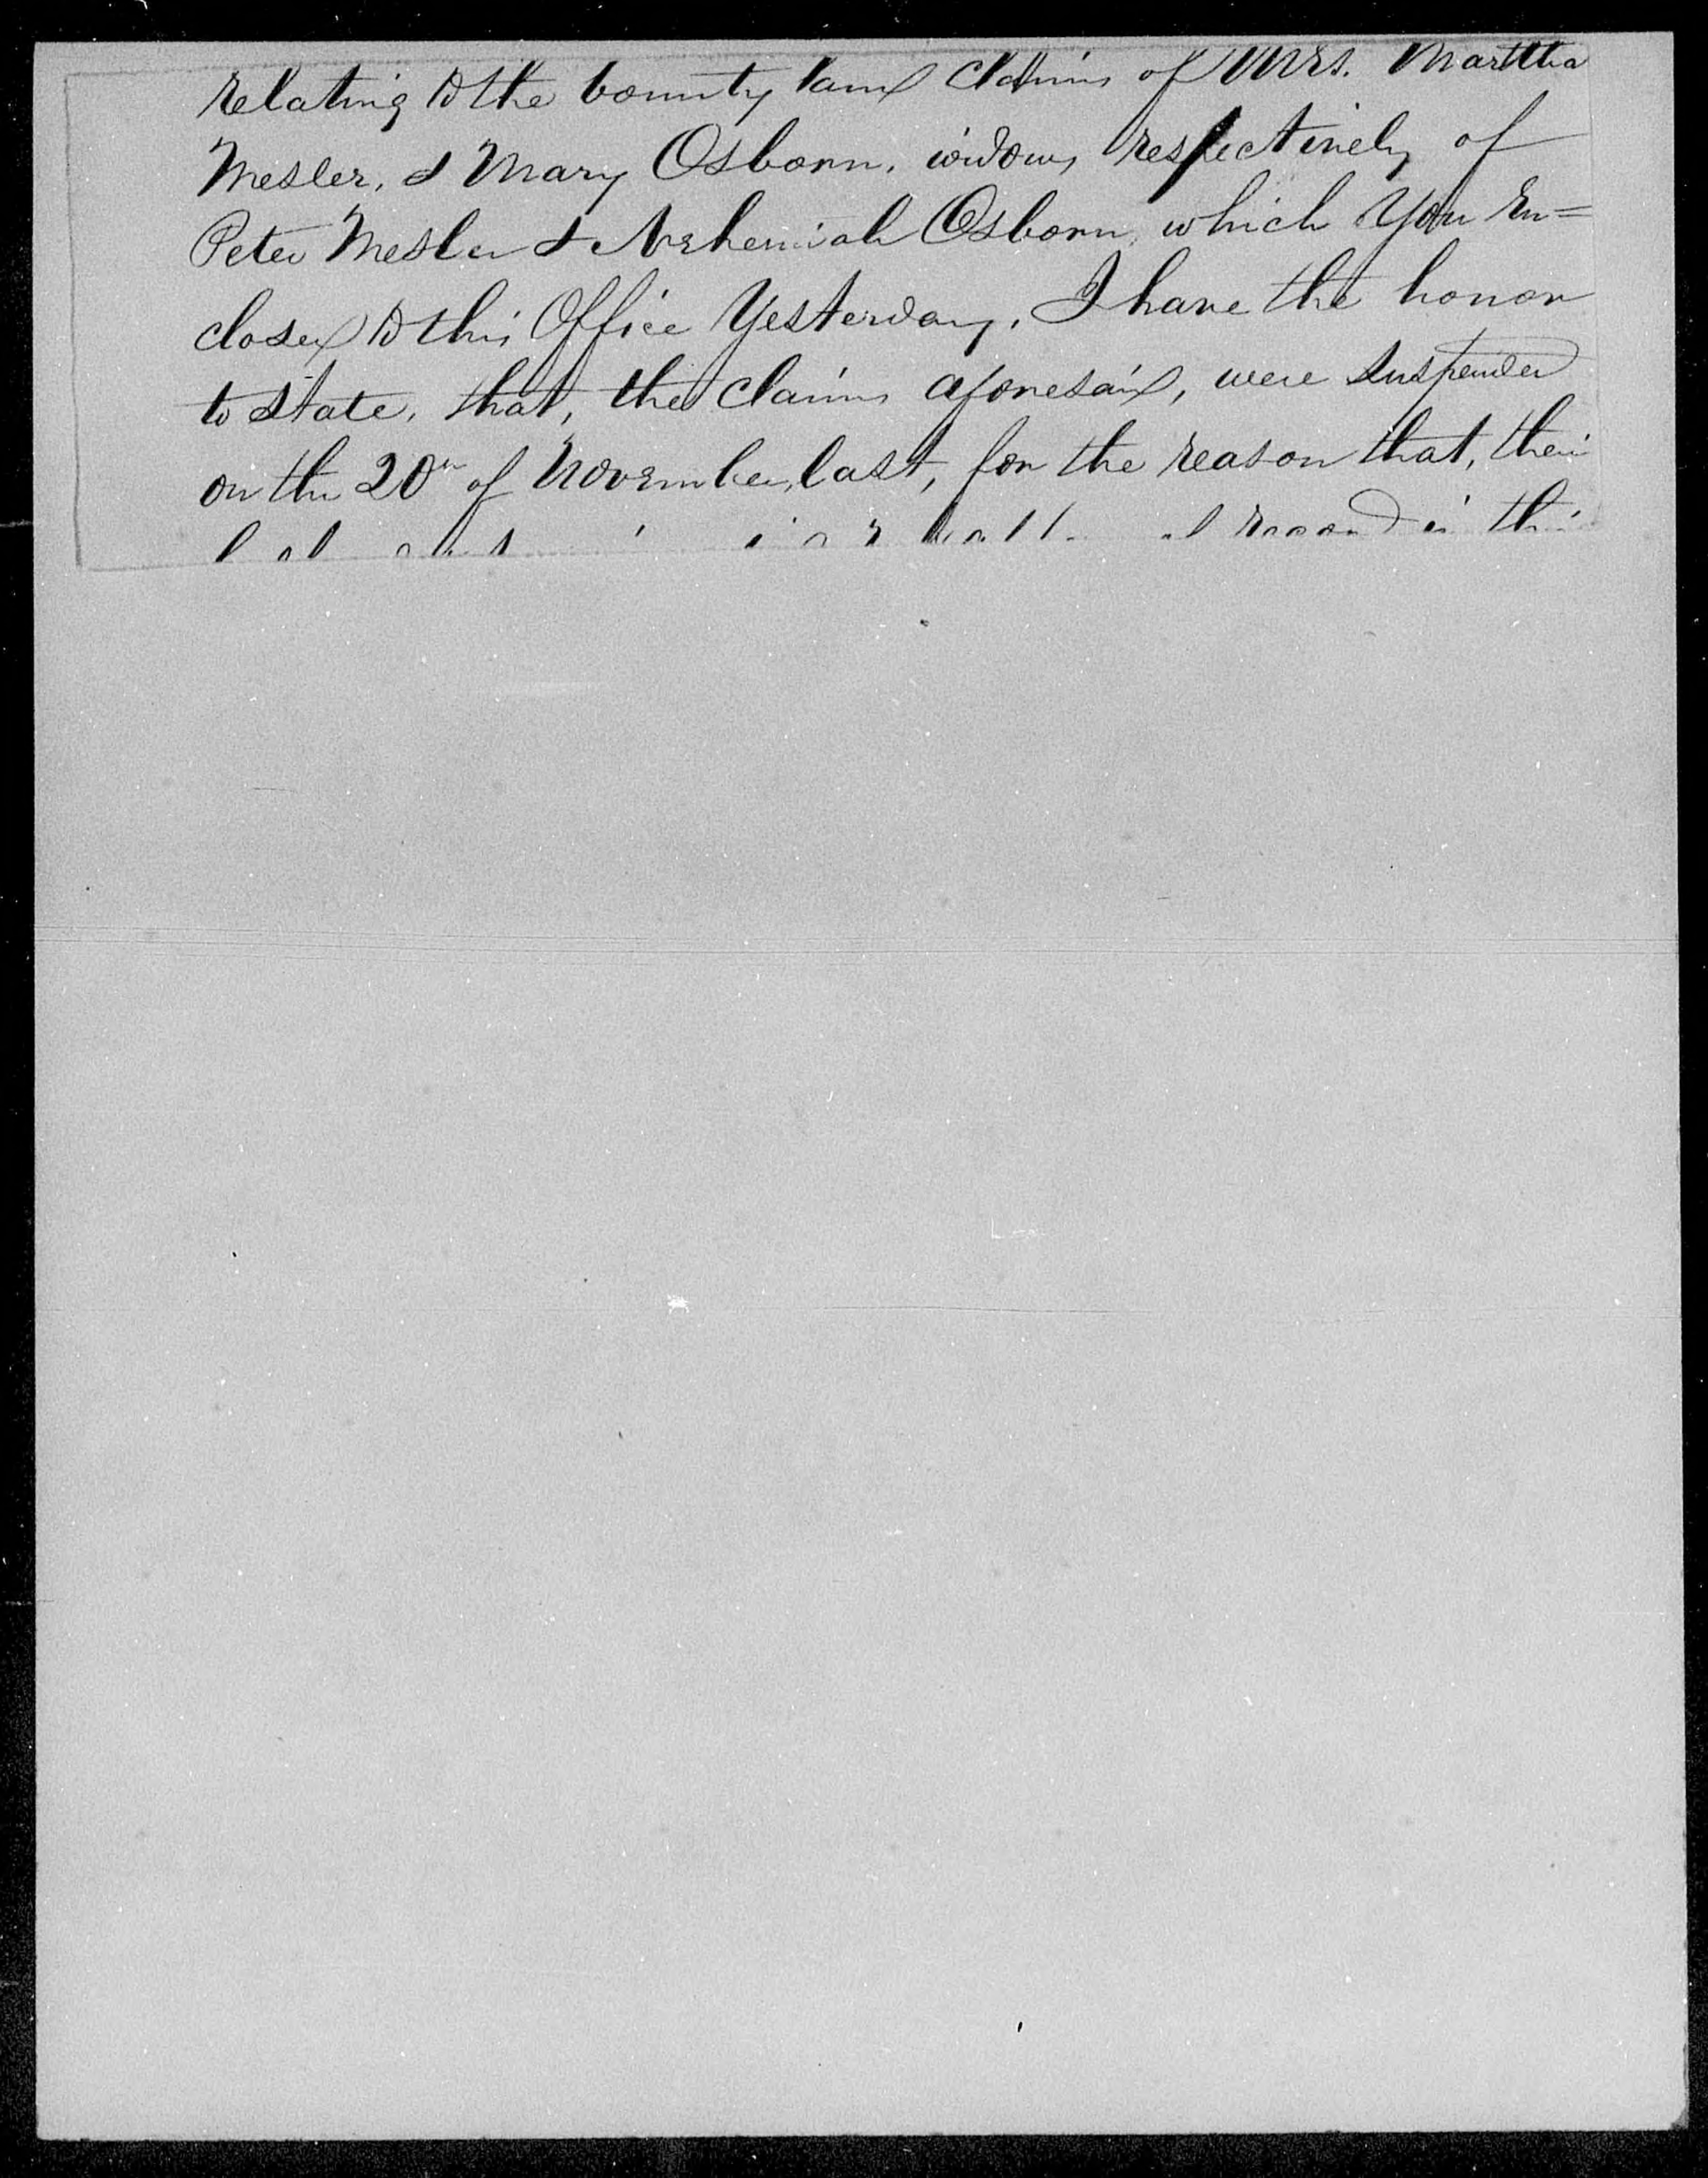relating to the bounty land claims of Mrs. Martha Mesler & Mary Osborn, widows respectively of Peter Mesler & Nehmiah Osborn, which you enclosed to this office yesterday. I have the honor to state, that, the claims aforesaid, were suspended on the 20th of November last, for the reason that their [page cut off]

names: Mary Osborn, Marttha Mesler, Peter Mesler, Nehemiah Osborn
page: 30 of 61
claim: survivor's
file: S. 22798, Paul Griffiths, R.I.